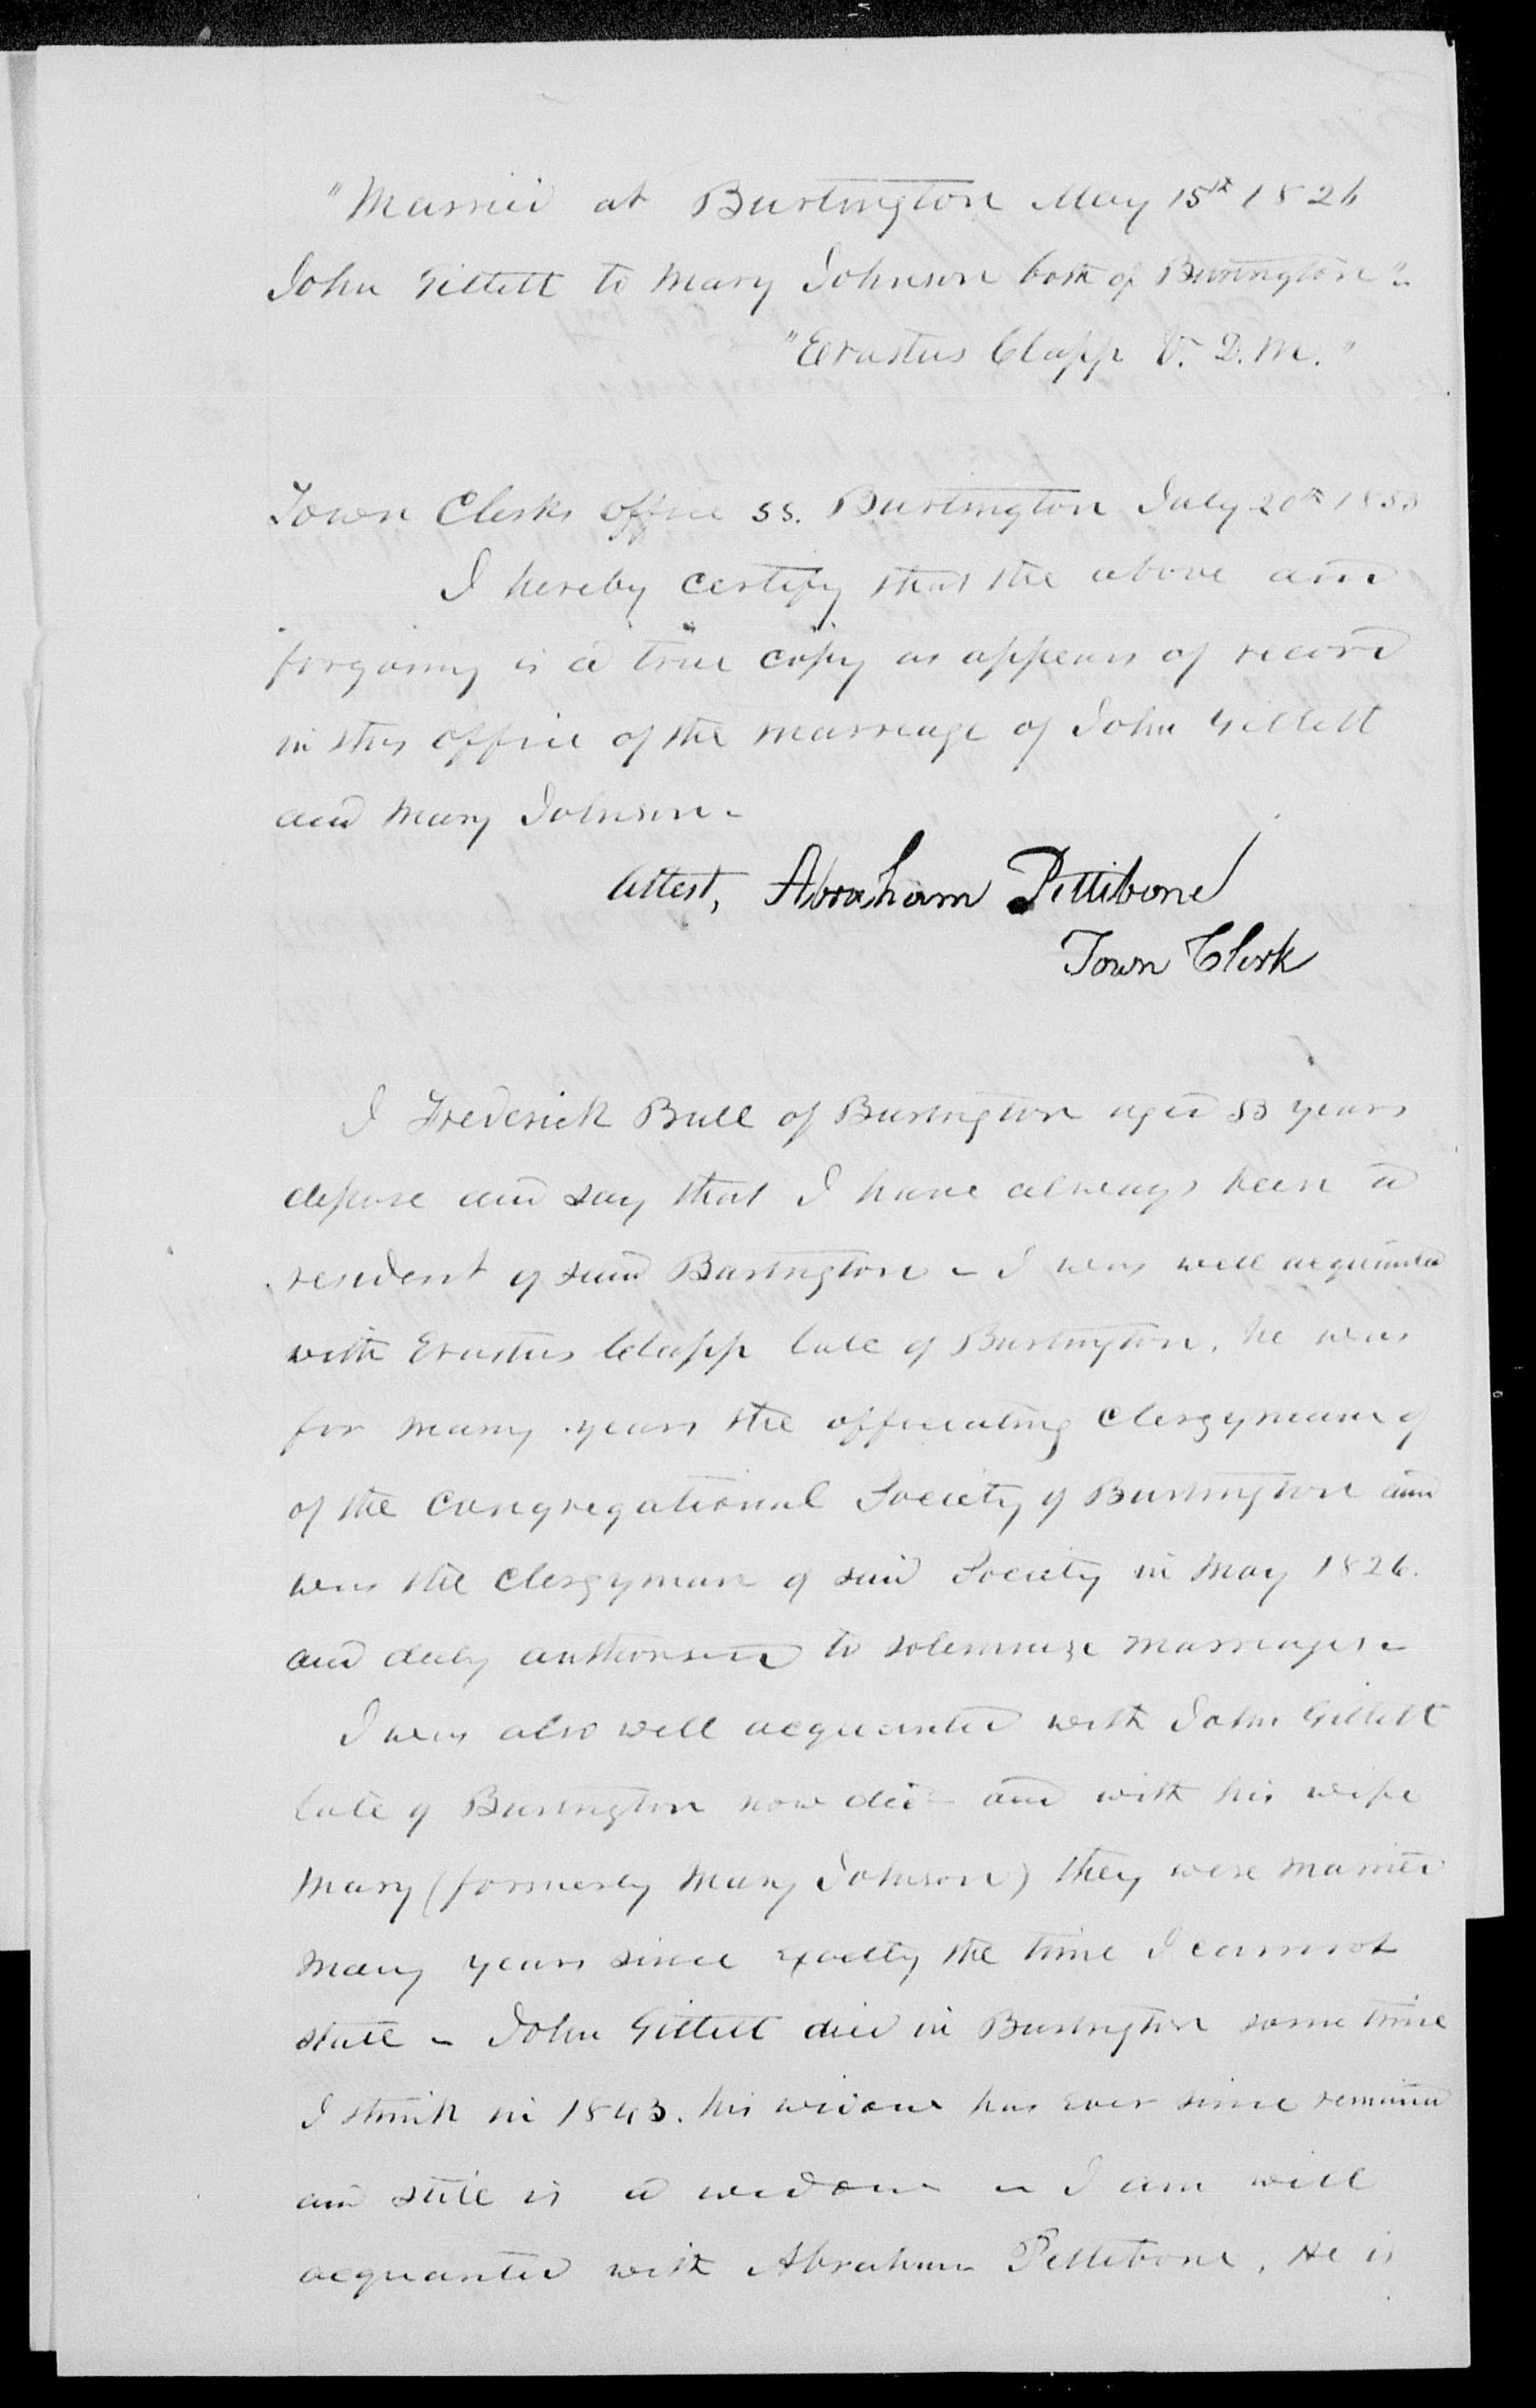Married at Burlington May 15th 1826
John Gillet to Mary Johnson both of Burlington by Erastus Clapp V.D.M.

Town Clerk Office SS Burlington July 20th 1853
   I hereby certify that the above and foregoing is a true cope as appears of record in this office of the marriage of John Gillet and Mary Johnson
                       Attest, Abraham Pettibone
                                              Town Clerk

I Frederick Bull of Burlington aged 53 years depose and say that I have always been a resident of said Burlington - I was well acquainted with Erastus Clapp late of Burlington, he was for many years the officiating clergyman of the Congregational Society of Burlington was the Clergyman of said Society in May 1826 and duly authorized to solemn marriages
  I was also well acquainted with John Gillet late of Burlington now decd and with his wife Mary (formerly Mary Johnson) they were married many years since exactly the time I cannot state - John Gillet died in Burlington some time I think in 1843, his widow has ever since remained and still is a widow and I am well acquainted with Abraham Pettibone. He is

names: John Gillett, Abraham Pettibone, Frederick Bull, Mary Johnson, Mary, John Gillett, Mary Johnson, John Gillett, John Gillett, Abraham Pettibone, Erastus Clapp, Mary, Erastus Clapp, Mary Johnson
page: 7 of 40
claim: survivor's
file: S. 36,537 And R. 4034, John Gillet, Conn.